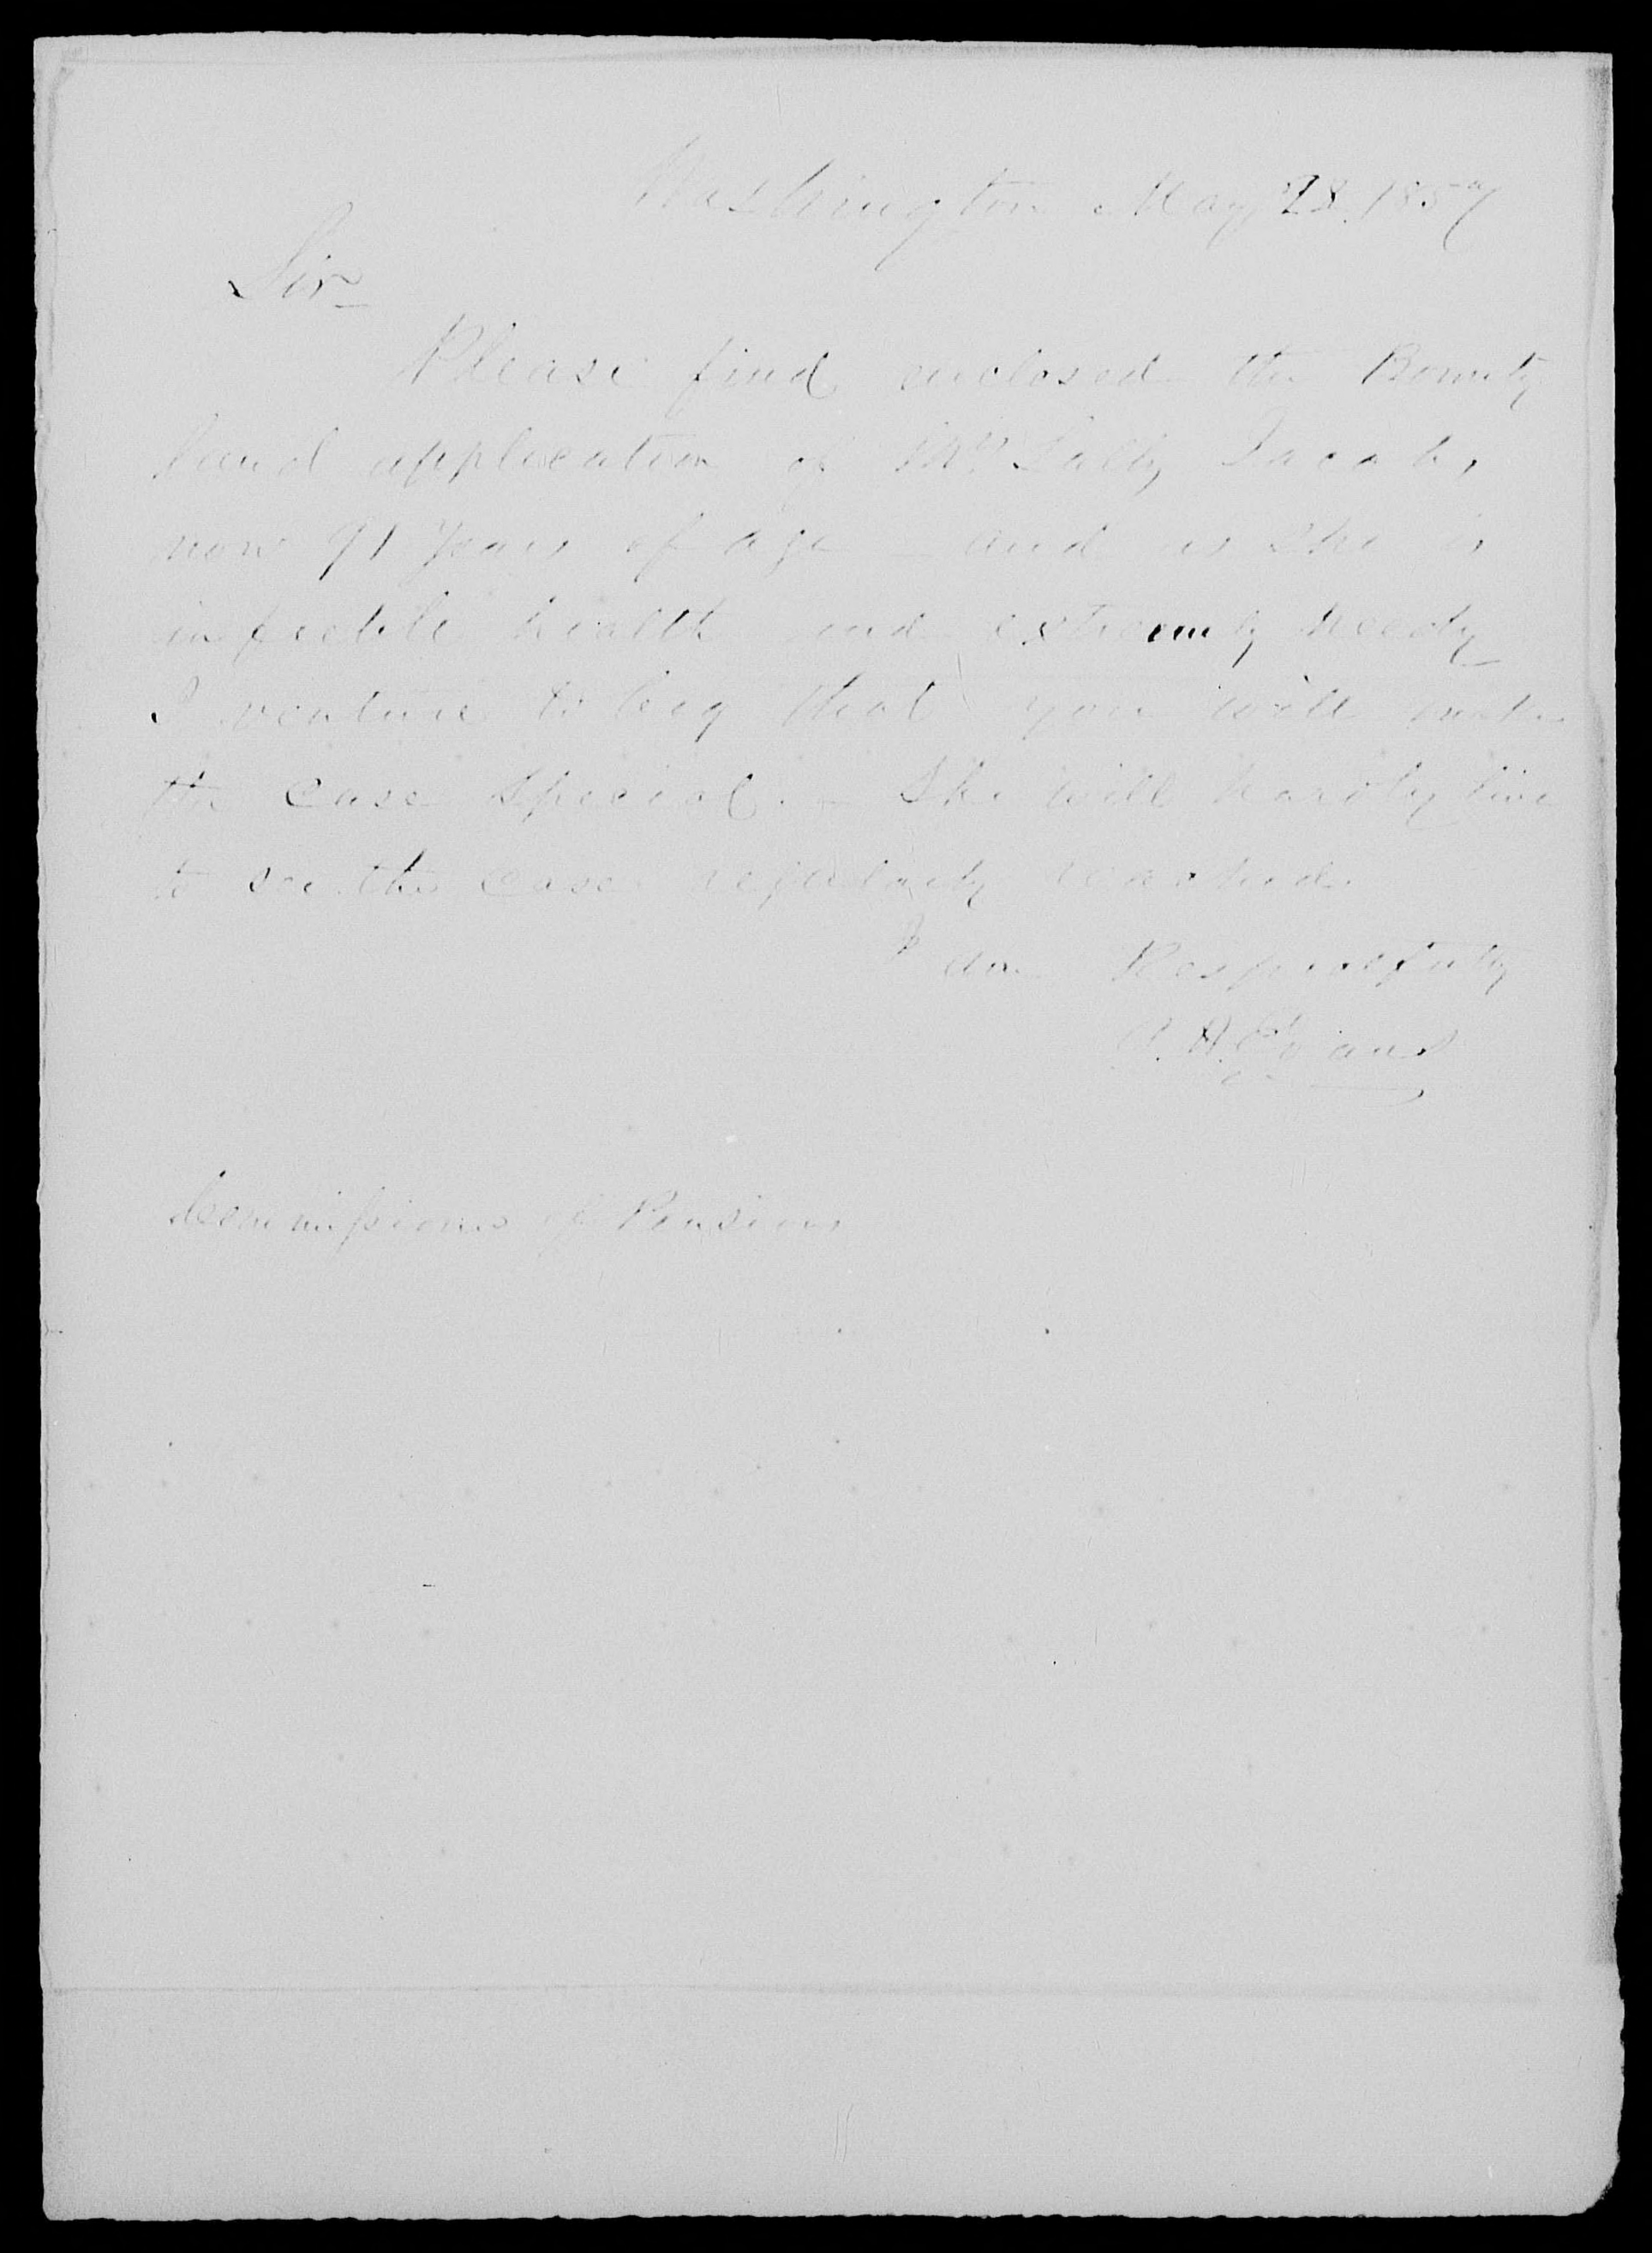Washington  May 28, 1857
Sir - 
       Please find enclosed the Bounty land application of Mrs Sally Jacobs now 91 years of age and as she is in feeble health and extremely needy I venture to beg that you will make the case Special.  She will hardly live to see the case [illegible] reached
                          I am   Respectfully
                      [Signature] A.H. Evans

Commissioner of Pensions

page: 39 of 40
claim: widow's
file: W. 5304, for Zachariah Jacobs, North Carolina